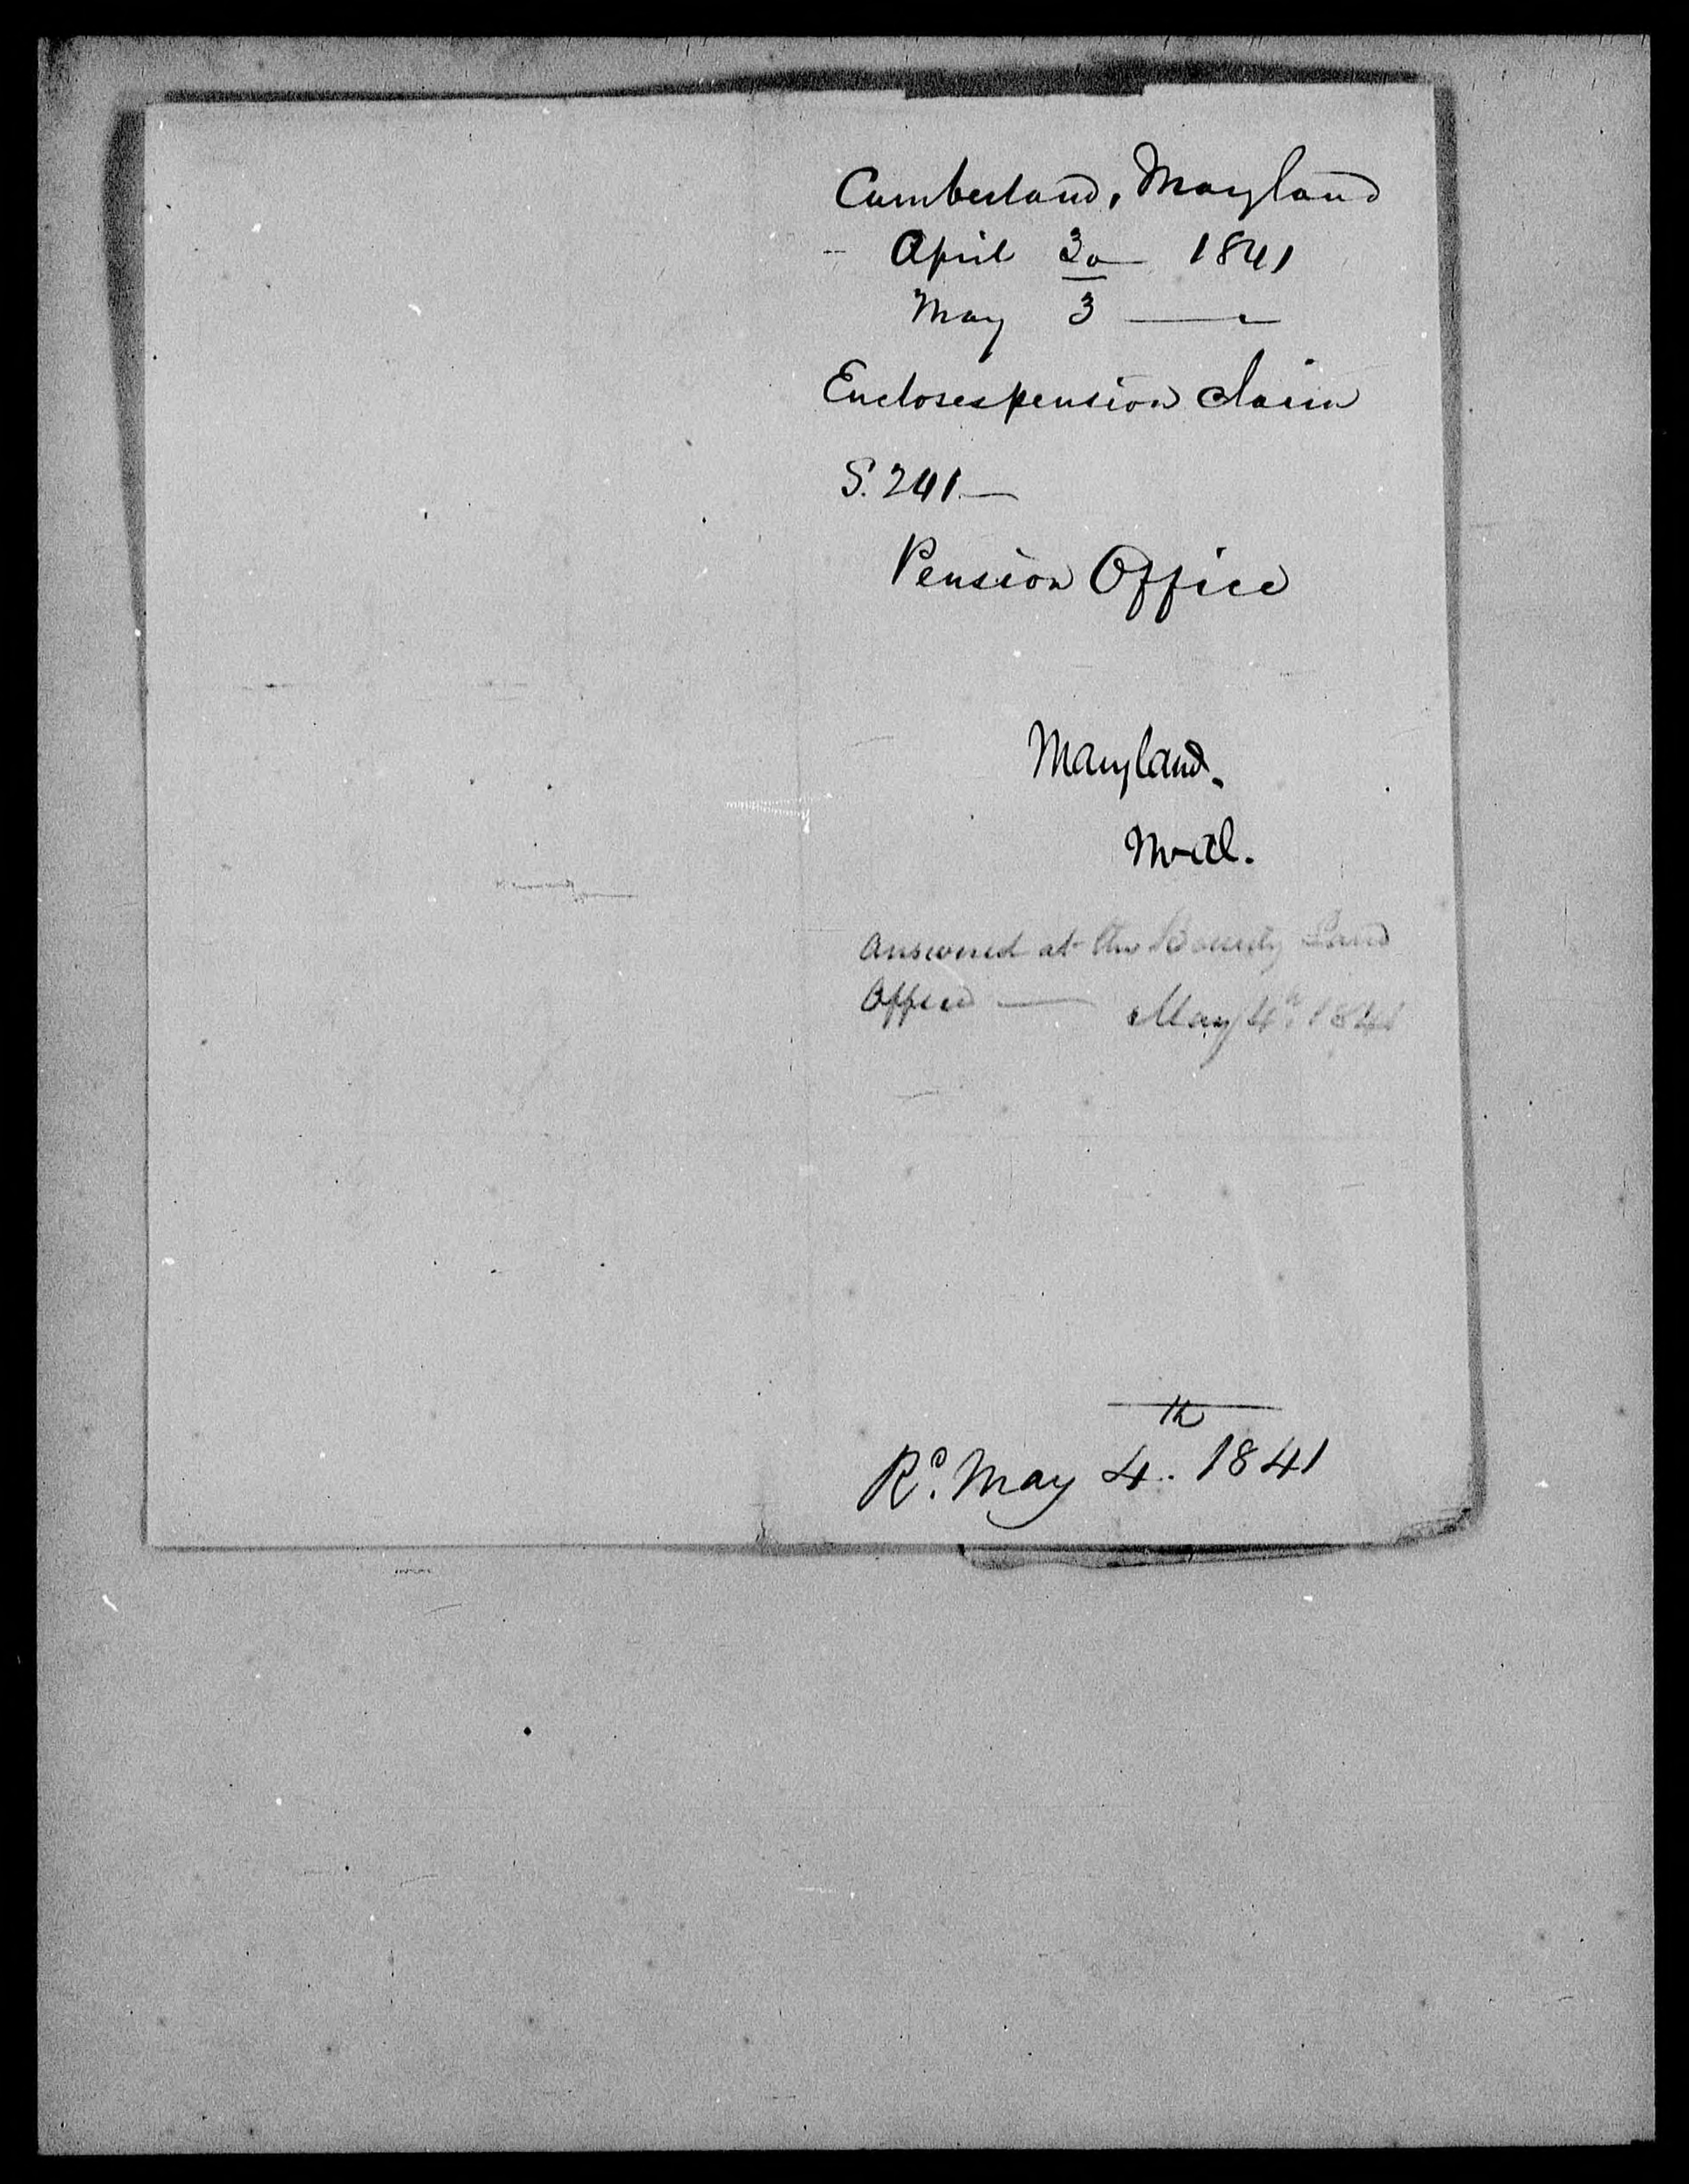Cumberland, Maryland
April 30 1841
May 3--
Enclosed pension claim
S. 241--
Pension Office

Maryland.
Mal.

answered at the Bounty Land Office--
May 4, 1841

Rd. May 4th, 1841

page: 19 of 25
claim: survivor's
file: S. 35093, for Richard R Tasker, Maryland